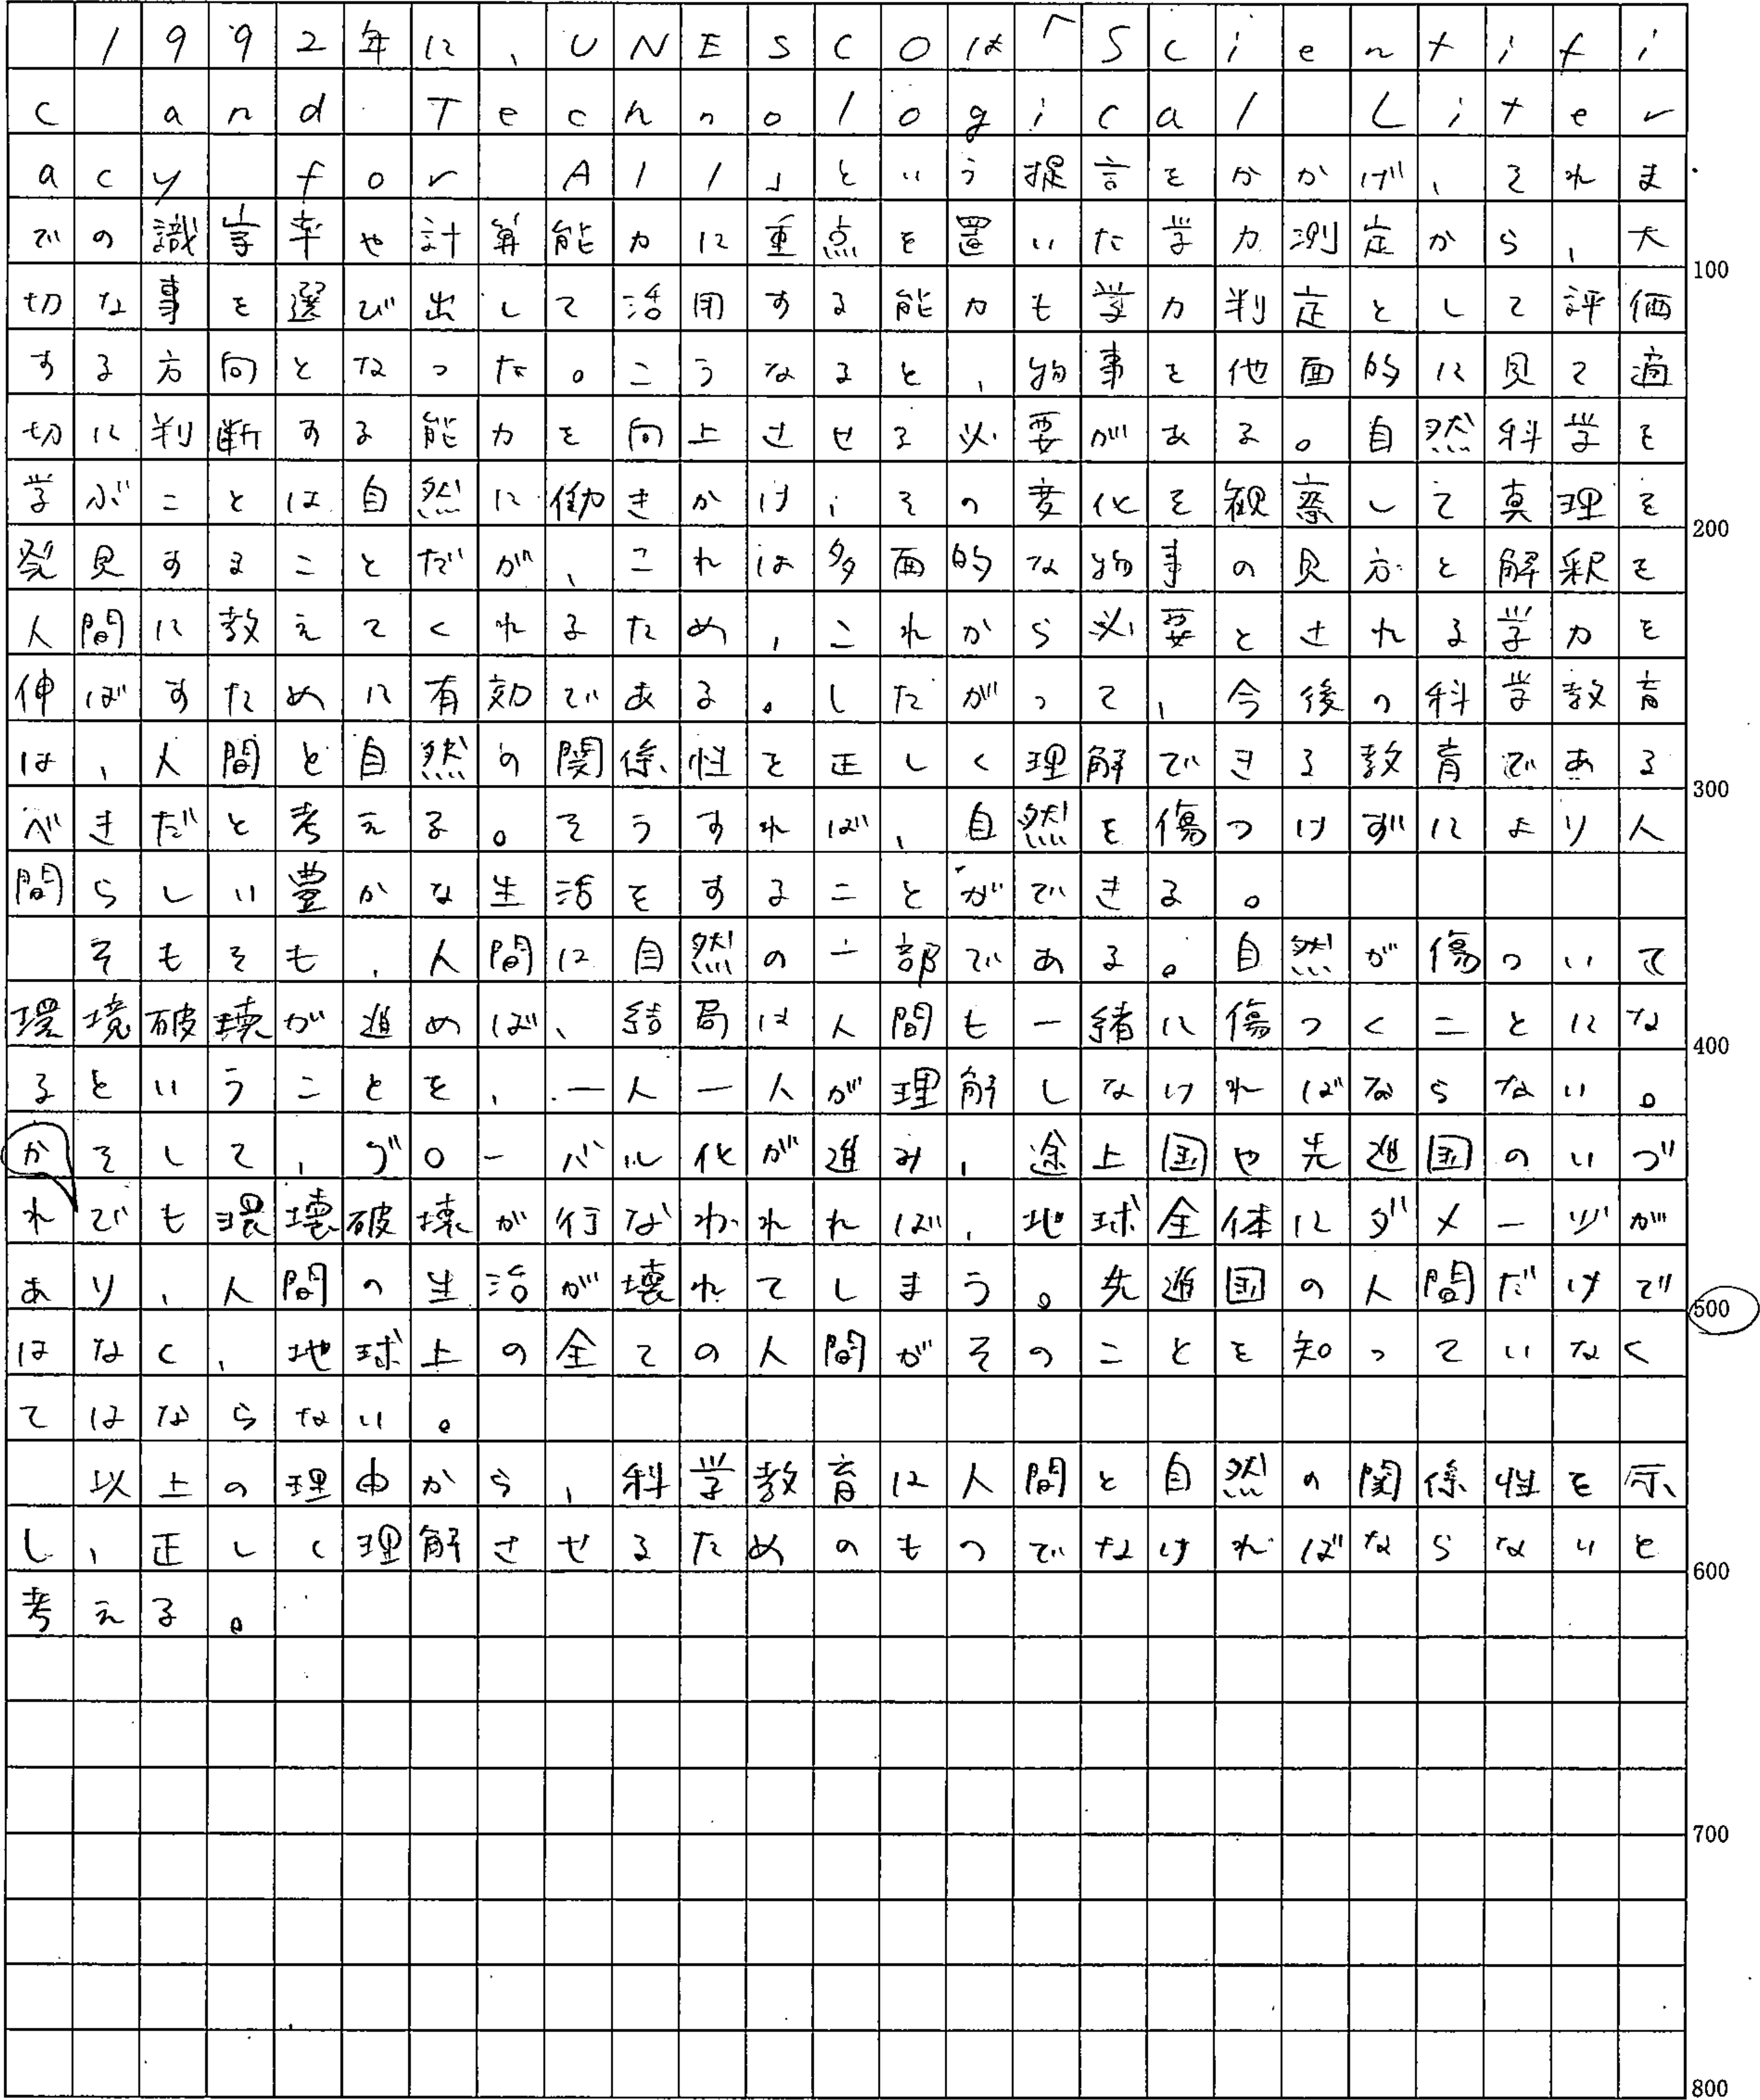　１９９２年に、ＵＮＥＳＣＯは「Ｓｃｉｅｎｔｉｆｉｃ　ａｎｄ　Ｔｅｃｈｎｏｌｏｇｉｃａｌ　Ｌｉｔｅｒａｃｙ　ｆｏｒ　Ａｌｌ」という提言をかかげ、それまでの識字率や計算能力に重点を置いた学力測定から、大切な事を選び出して活用する能力も学力判定として評価する方向となった。こうなると、物事を他面的に見て適切に判断する能力を向上させる必要がある。自然科学を学ぶことは自然に働きかけ、その変化を観察して真理を発見することだが、これは多面的な物事の見方と解釈を人間に教えてくれるため、これから必要とされる学力を伸ばすために有効である。したがって、今後の科学教育は、人間と自然の関係性を正しく理解できる教育であるべきだと考える。そうすれば、自然を傷つけずにより人間らしい豊かな生活をすることができる。
　そもそも、人間は自然の一部である。自然が傷ついて環境破壊が進めば、結局は人間も一緒に傷つくことになるということを、一人一人が理▁しなければならない。
　そして、グローバル化が進み、途上国や先進国のいづれかでも環境破壊が行なわれれば、地球全体にダメージがあり、人間の生活が壊れてしまう。先進国の人間だけではなく、地球上の全ての人間がそのことを知っていなくてはならない。
　以上の理由から、科学教育は人間と自然の関係性を示し、正しく理解させるためのものでなければならないと考える。
